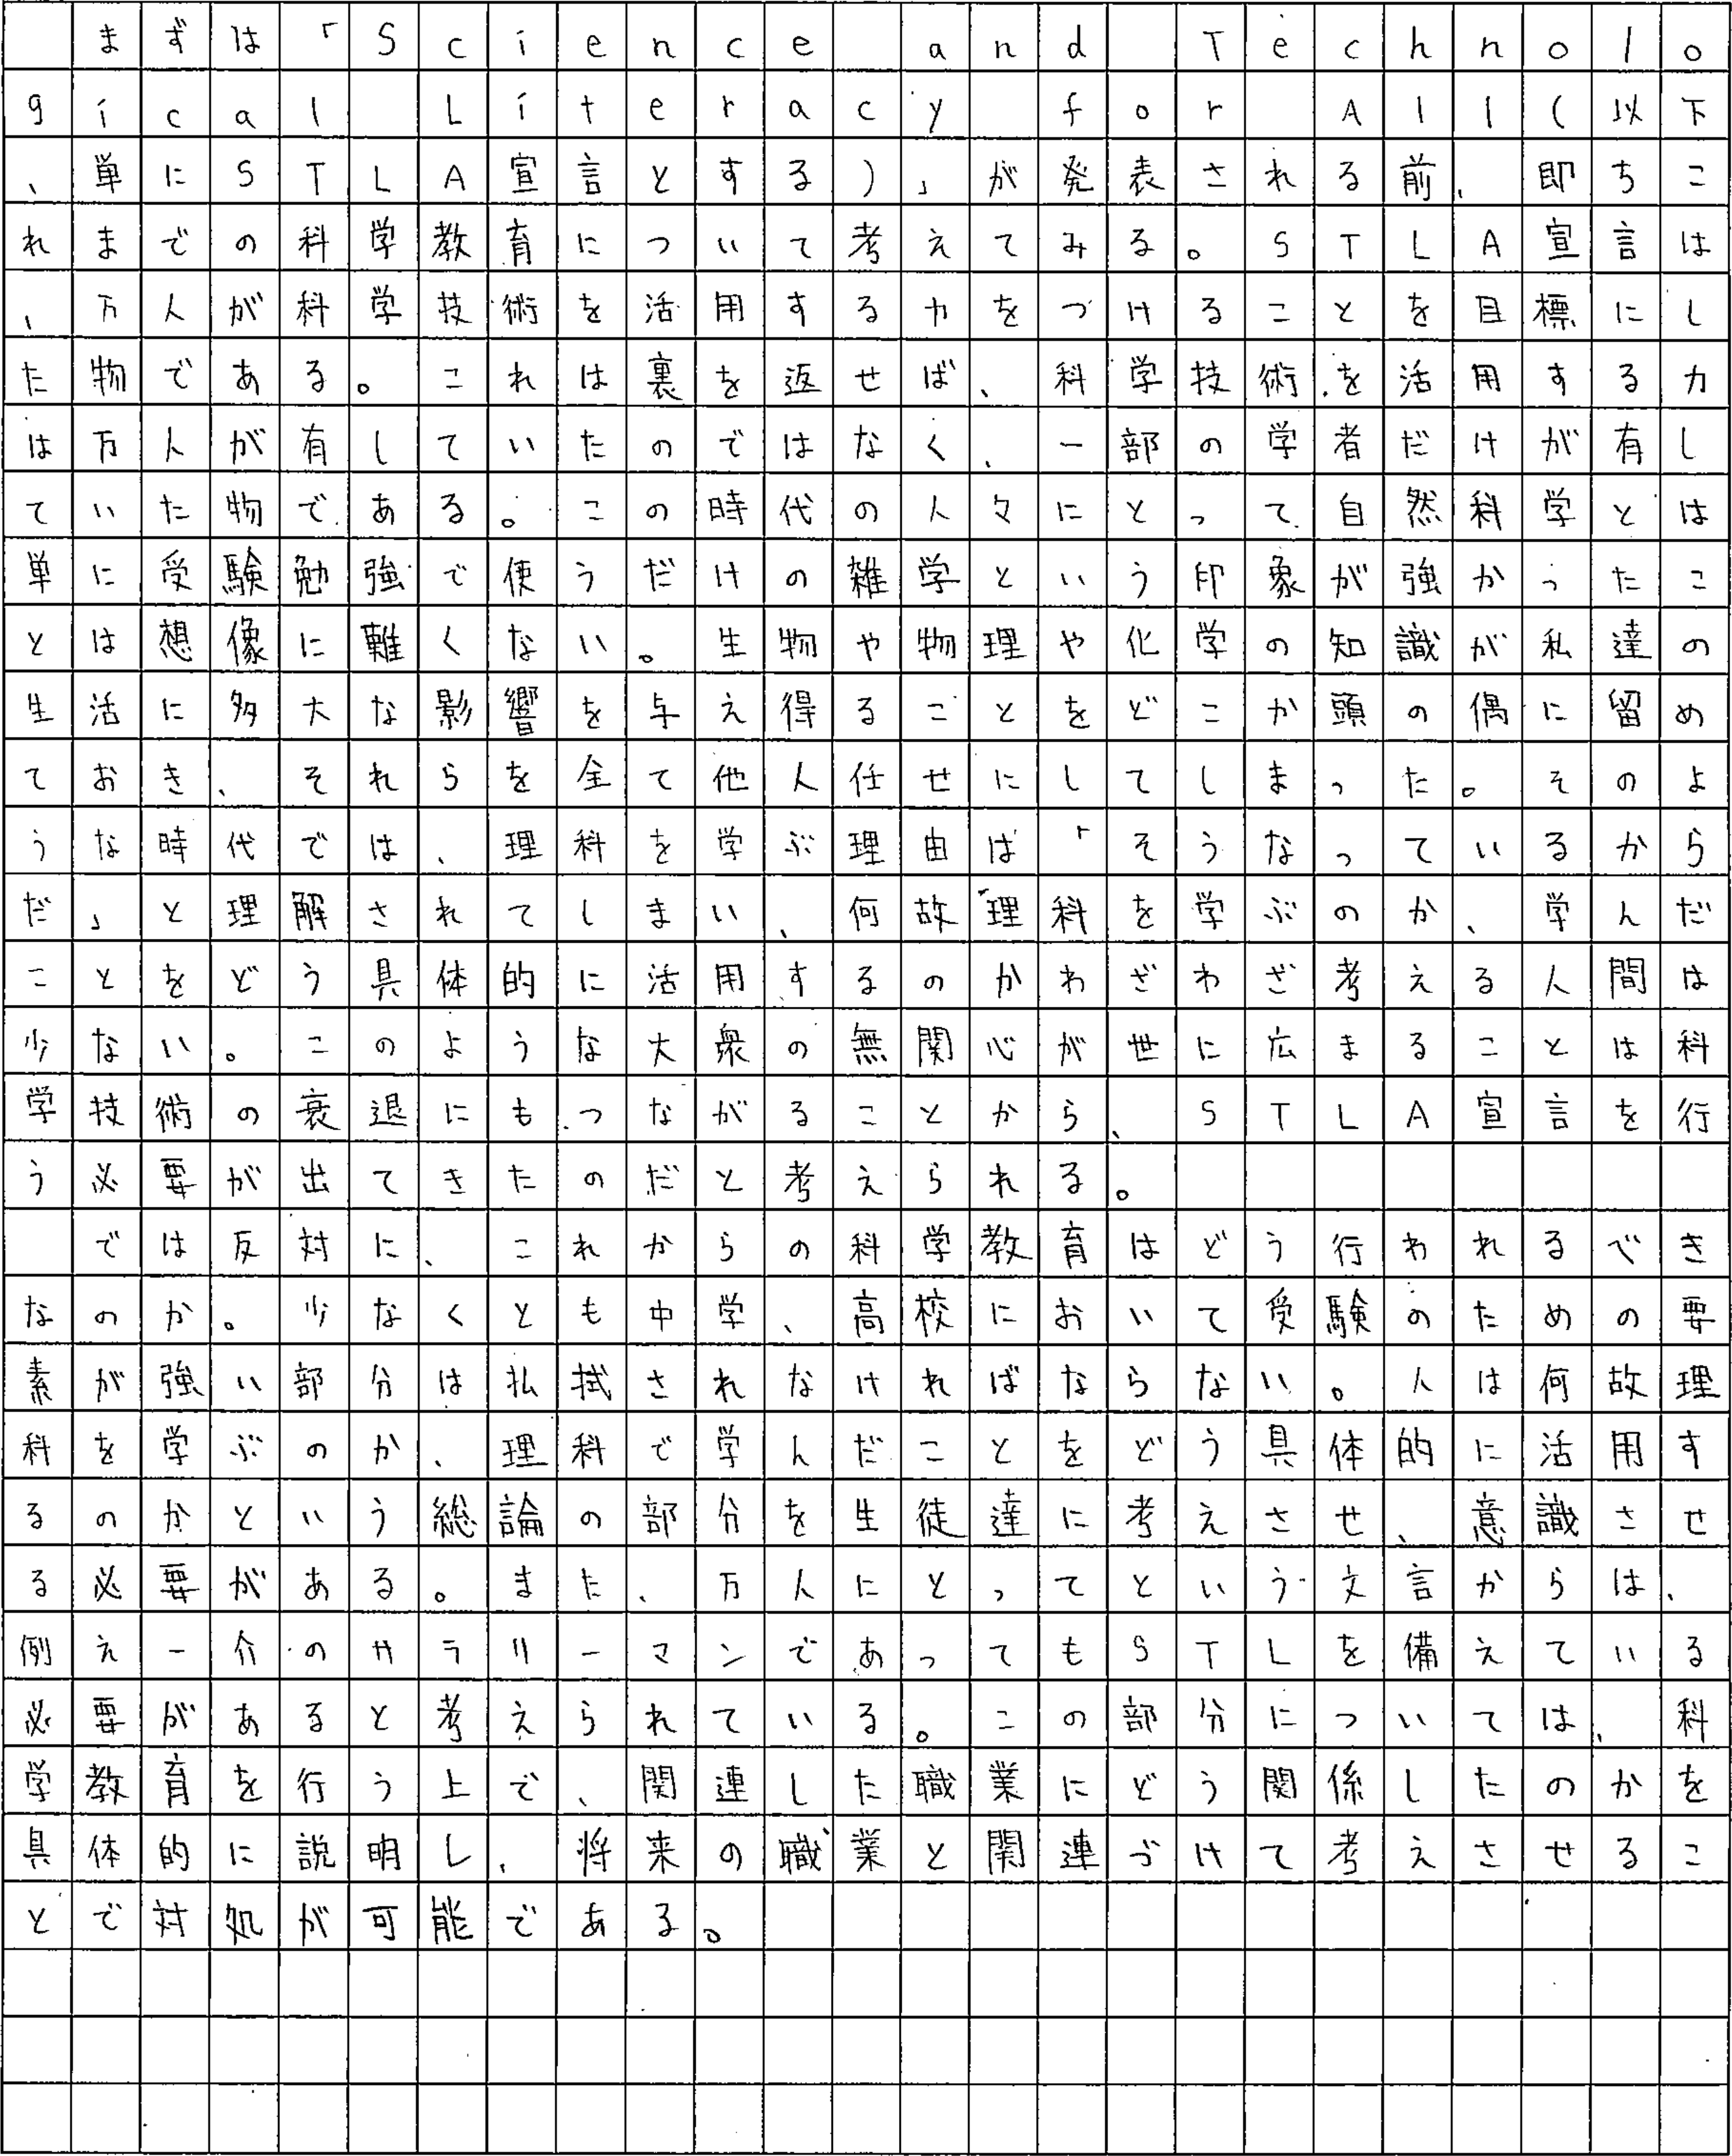　まずは「Ｓｃｉｅｎｃｅ　ａｎｄ　Ｔｅｃｈｎｏｌｏｇｉｃａｌ　Ｌｉｔｅｒａｃｙ　ｆｏｒ　Ａｌｌ(以下、単にSTLA宣言とする)」が発表される前、即ちこれまでの科学教育について考えてみる。STLA宣言は、万人が科学技術を活用する力をつけることを目標にした物である。これは裏を返せば、科学技術を活用する力は万人が有していたのではなく、一部の学者だけが有していたものである。この時代の人々にとって自然科学とは単に受験勉強で使うだけの雑学という印象が強かったことは想像に難くない。生物や物理や化学の知識が私達の生活に多大な影響を与え得ることをどこか頭の偶に留めておき、それらをすべて他人任せにしてしまった。そのような時代では、理科を学ぶ理由は「そうなっているからだ」と理解されてしまい、何故理科を学ぶのか、学んだことをどう具体的に活用するのかわざわざ考える人間は少ない。このような大衆の無関心が世に広まることは科学技術の衰退にもつながることから、STLA宣言を行う必要が出てきたのだと考えられる。
　では反対に、これからの科学教育はどう行われるべきなのか。少なくとも中学、高校において受験のための要素が強い部分は払拭されなければならない。人には何故理科を学ぶのか、理科で学んだことをどう具体的に活用するのかという総論の部分を生徒達に考えさせ、意識させる必要がある。また、万人にとってという文言からは、例え一介のサラリーマンであってもSTLを備えている必要があると考えられている。この部分については、科学教育を行う上で、関連した職業にどう関係したのかを具体的に説明し、将来の職業と関連づけて考えさせることで対処が可能である。
